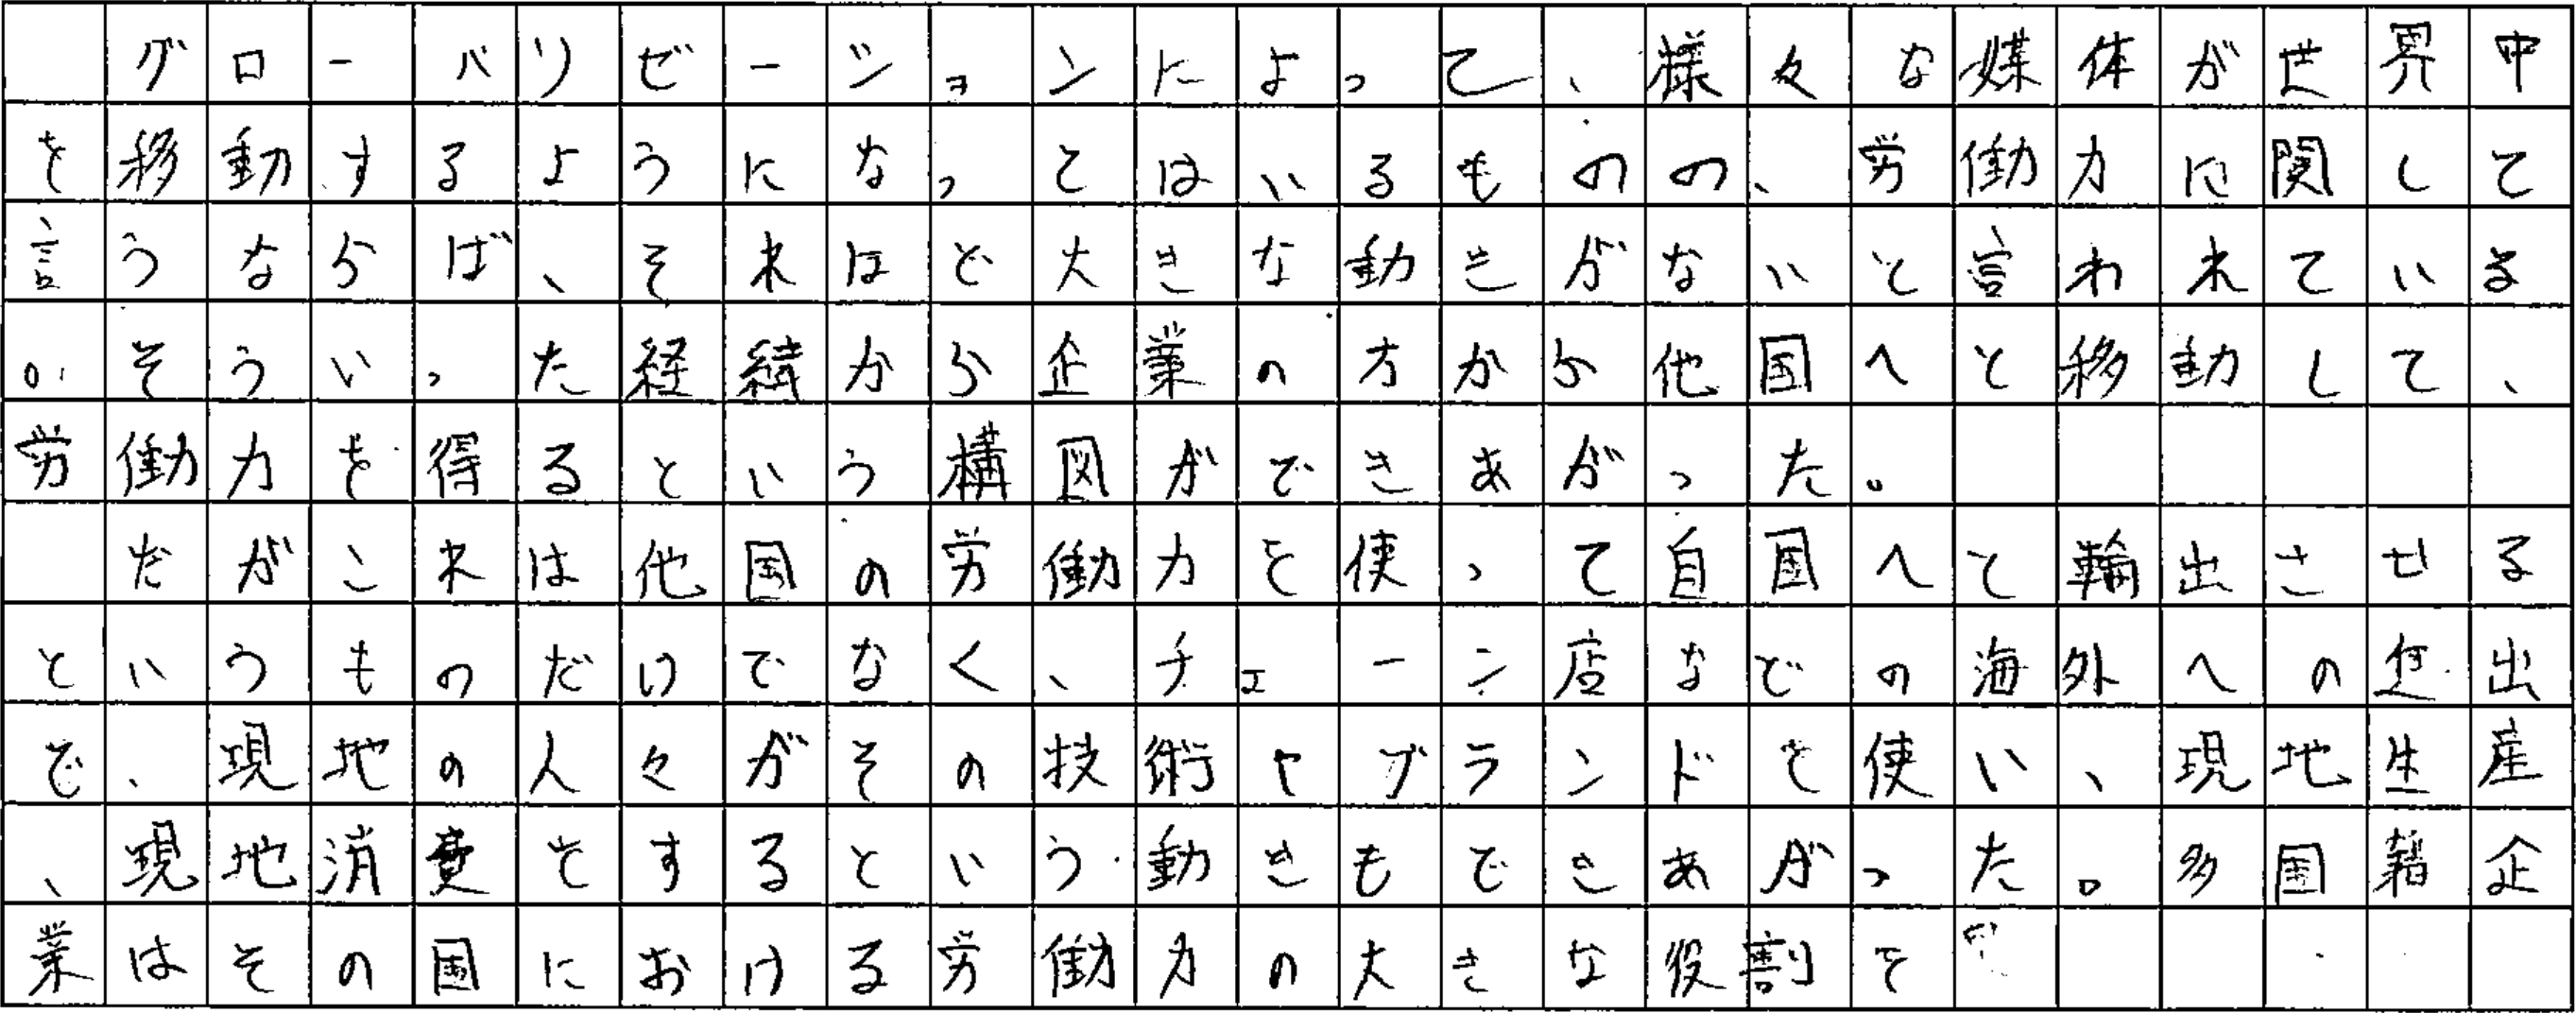　グローバリゼーションによって、様々な媒体が世界中を移動するようになってはいるものの、労働力に関して言うならば、それほど大きな動きがないと言われている。そういった経緯から企業の方から他国へと移動して、労働力を得るという構図ができあがった。
　だがこれは他国の労働力を使って自国へて輪出させるというものだけでなく、チェーン店などの海外への進出で、現地の人々がその技術やブランドを使い、現地生産、現地消費をするという動きもできあがった。多国籍企業はその国における労働力の大きな役割を
